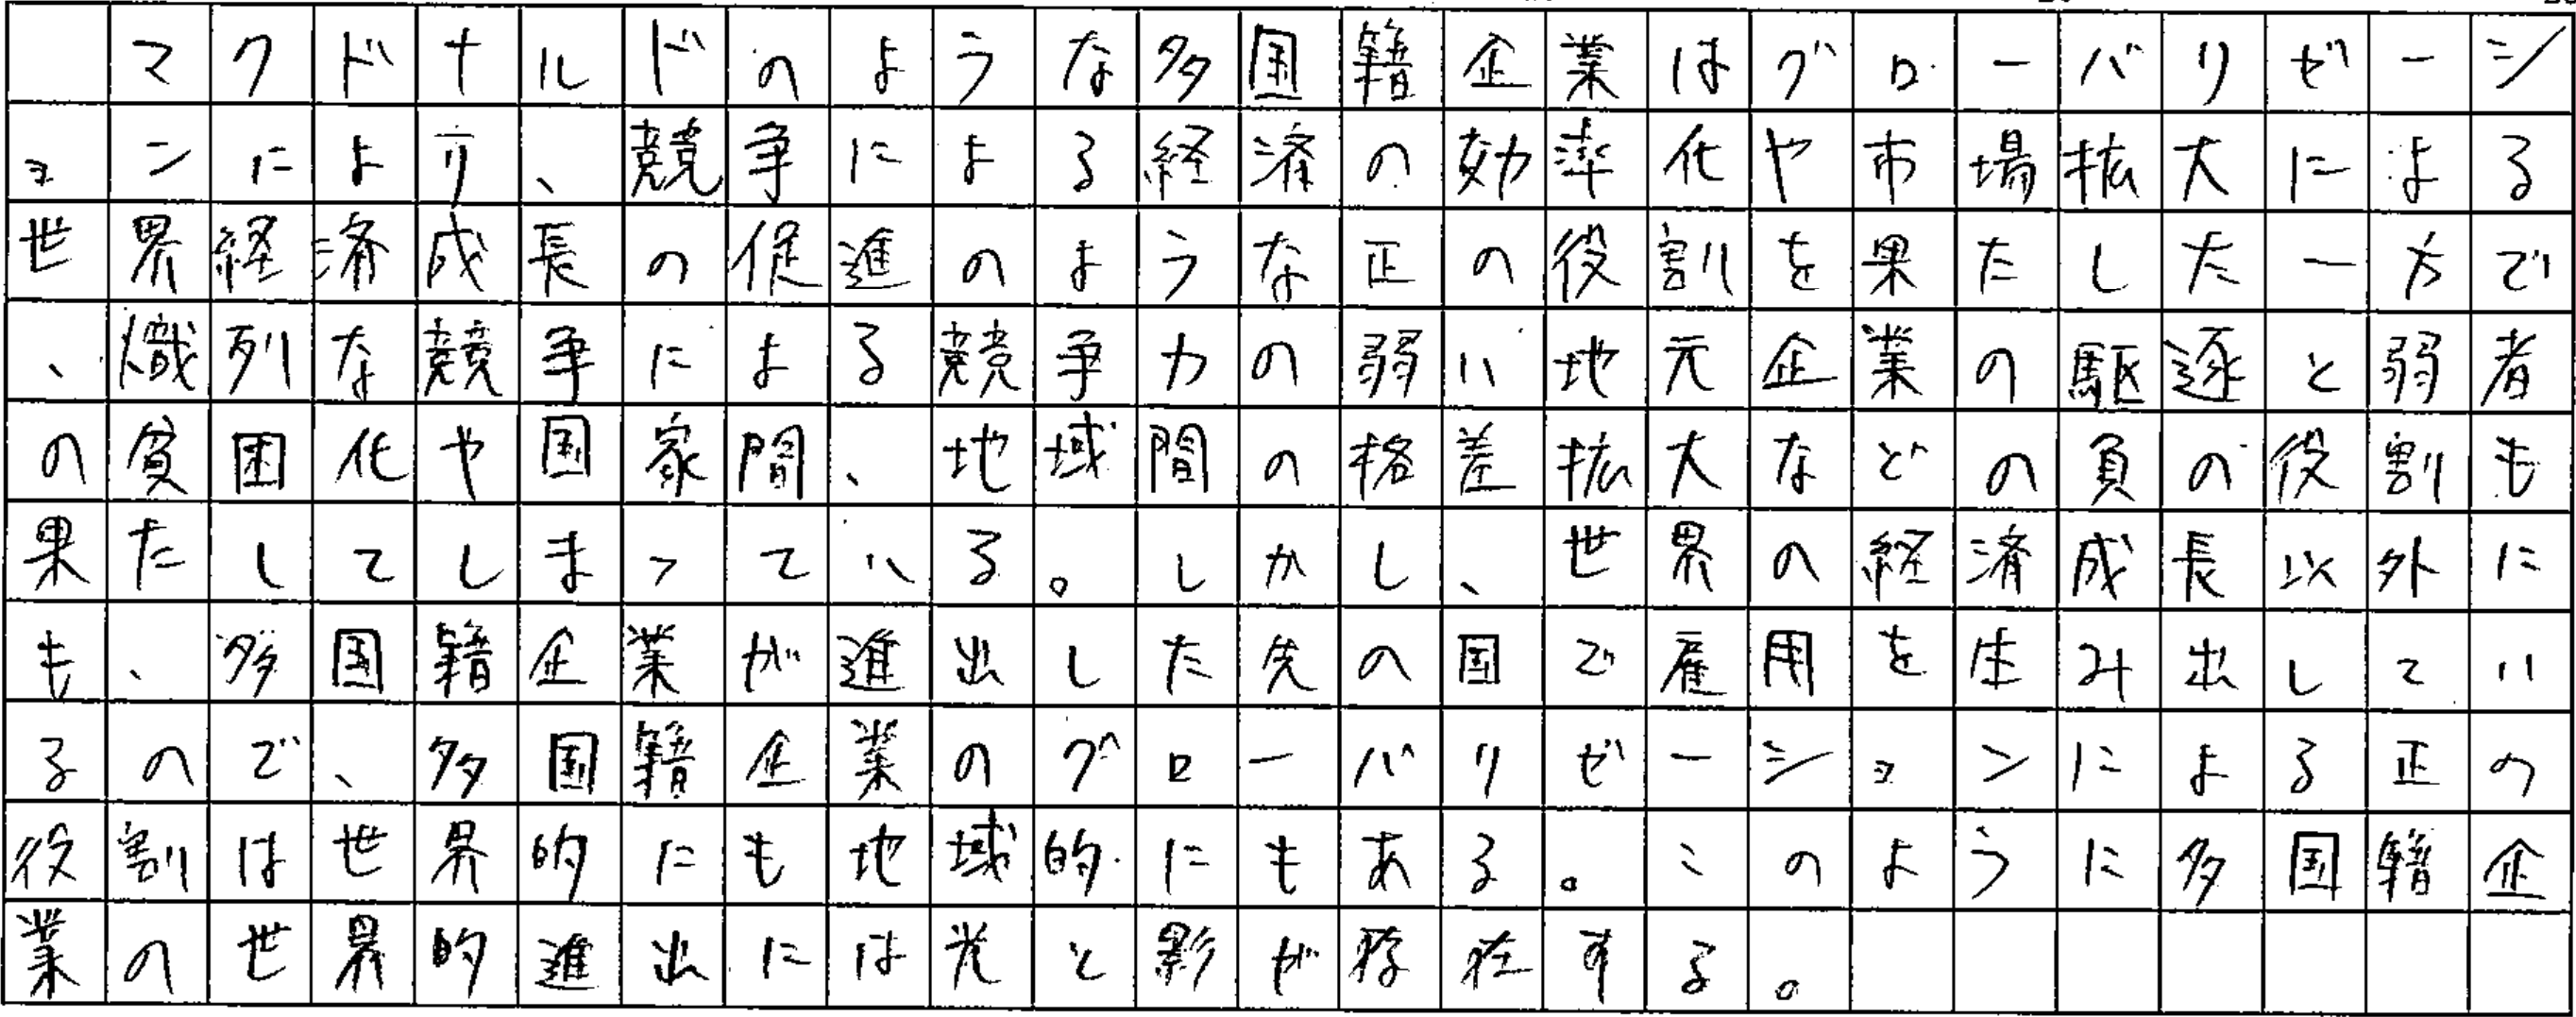　マクドナルドのような多国籍企業はグローバリゼーションにより、競争による経済の効率化や市場拡大による世界経済成長の促進のような正の役割を果たした一方で、熾列な競争による競争力の弱い地元企業の駆逐と弱者の貧困化や国家間、地域間の格差拡大などの負の役割も果たしてしまっている。しかし、世界の経済成長以外にも、多国籍企業が進出した先の国で雇用を生み出しているので、多国籍企業のグローバリゼーションによる正の役割は世界的にも地域的にもある。このように多国籍企業の世界的進出には光と影が存在する。
